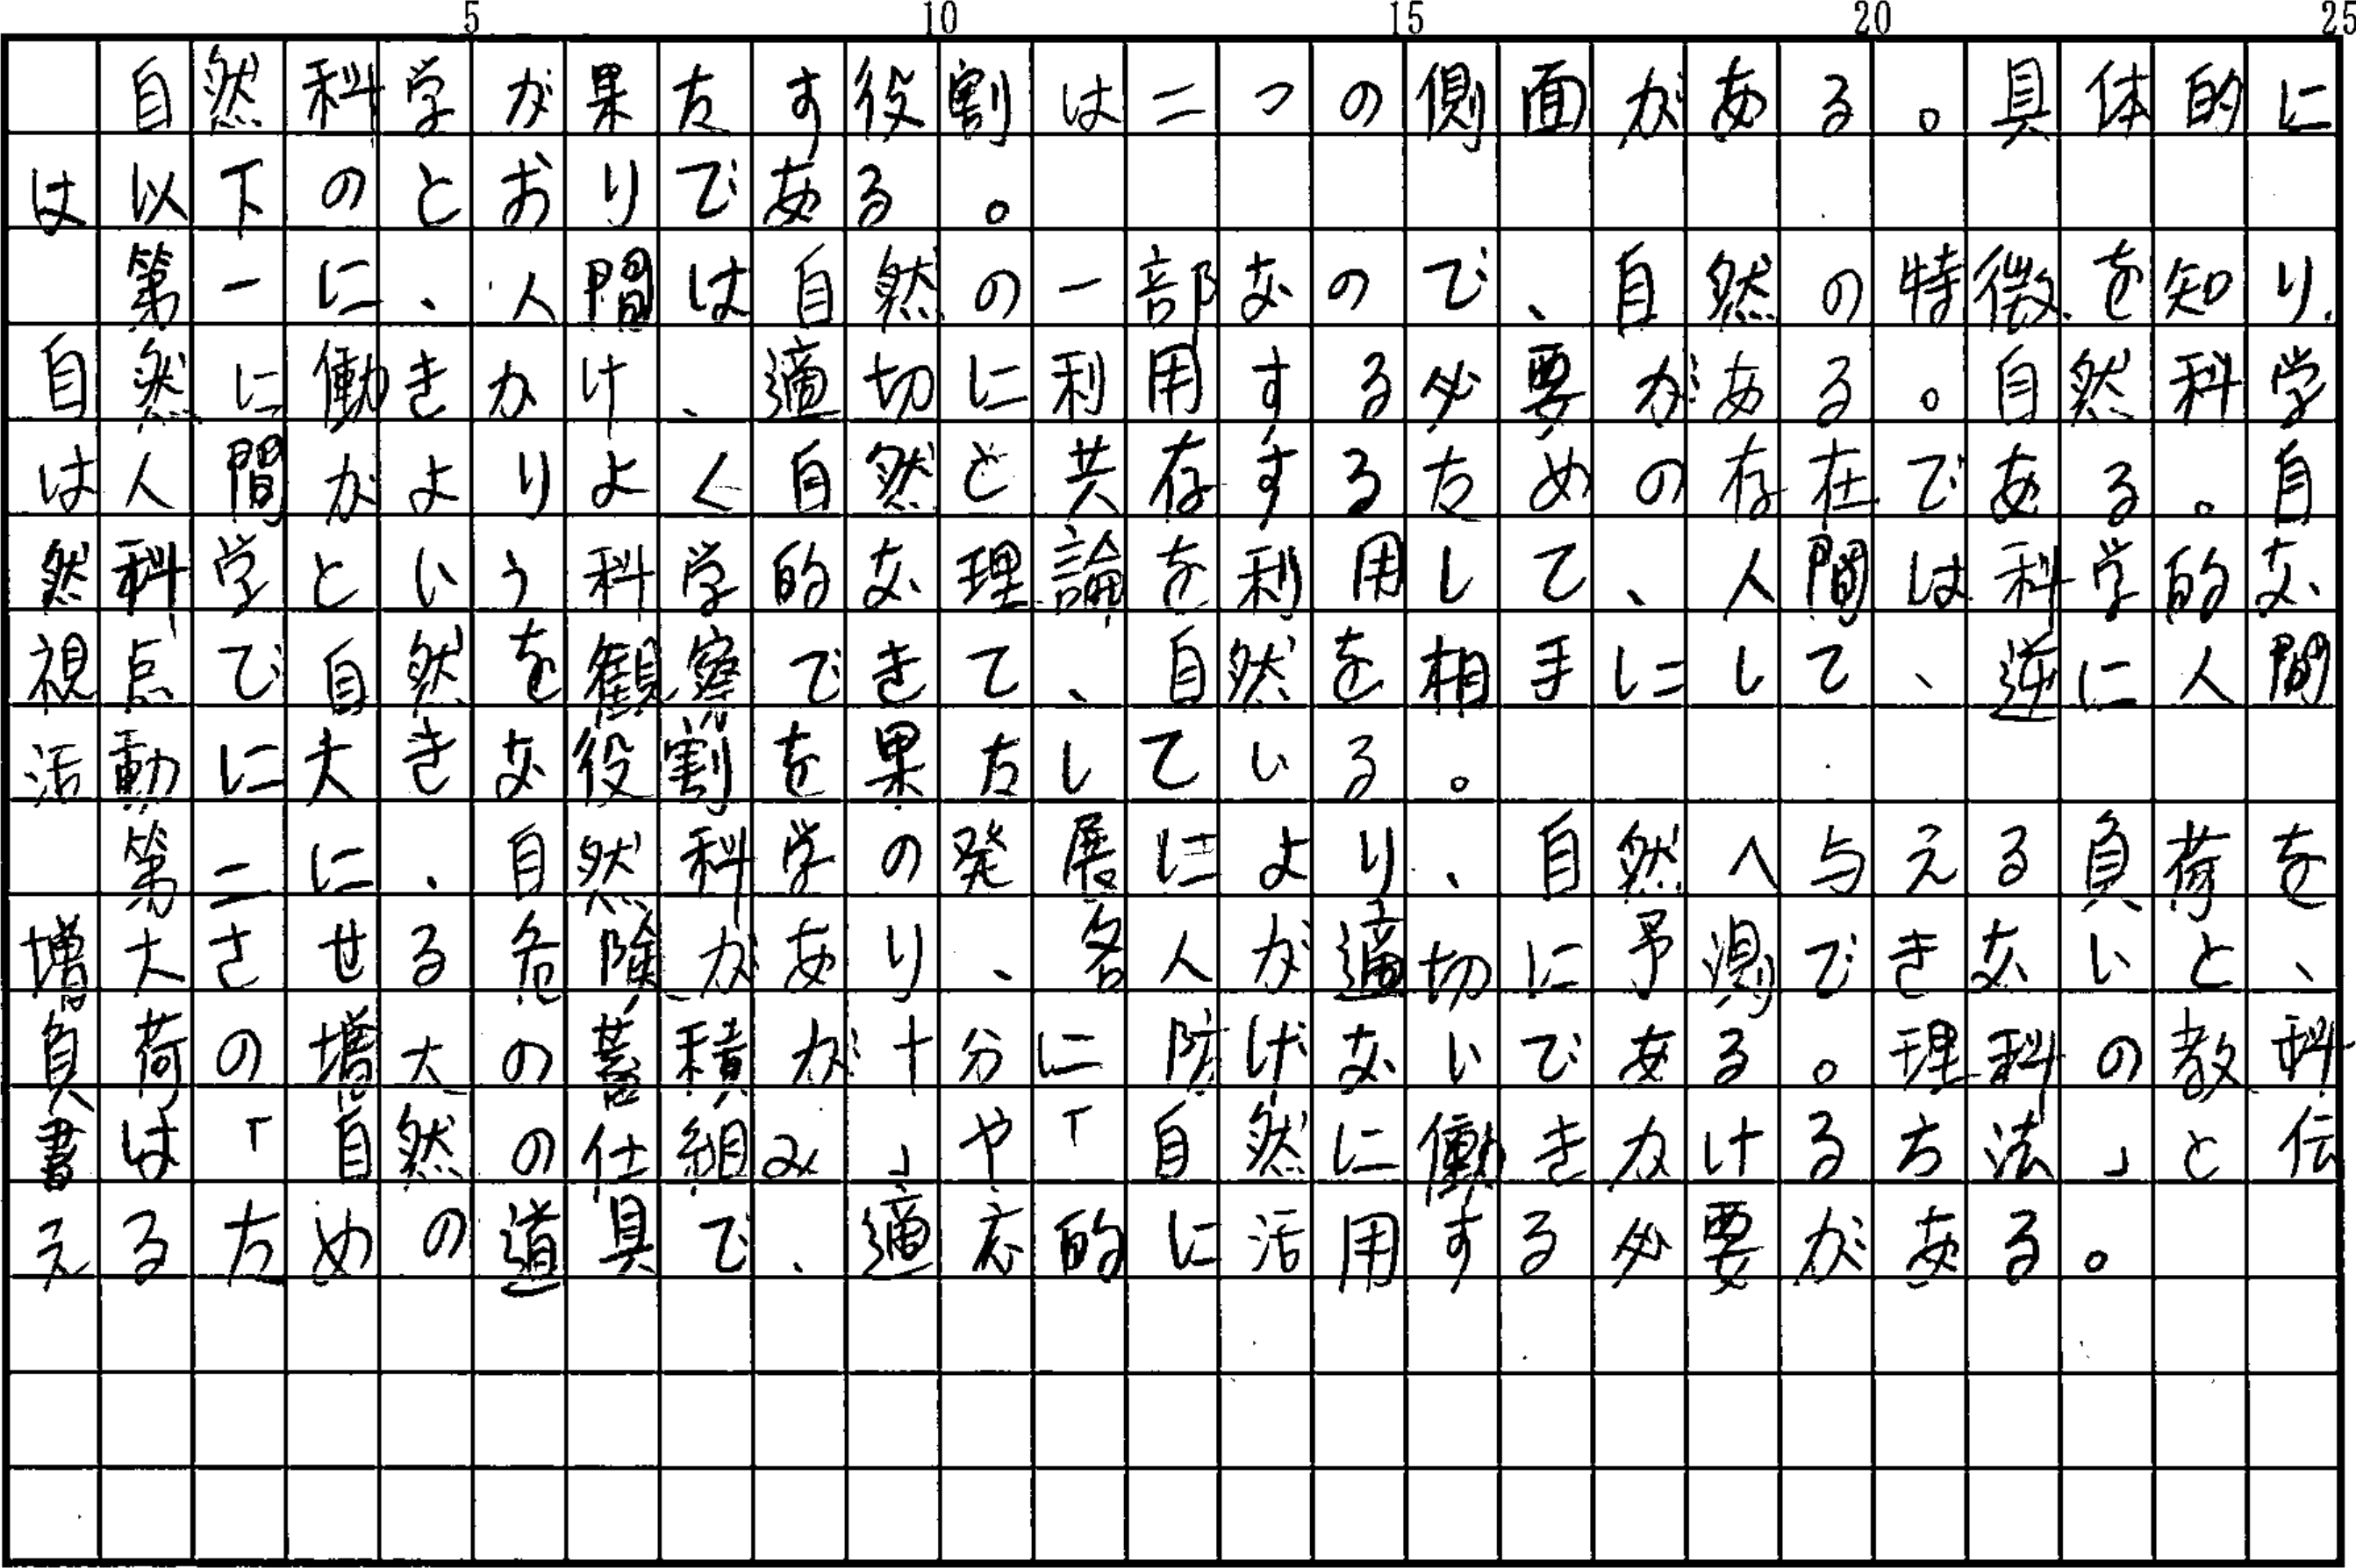　自然科学が果たす役割は二つの側面がある。具体的には以下のとおりである。
　第一に、人間は自然の一部なので、自然の特徴を知り、自然に働きかけ、適切に利用する必要がある。自然科学は人間がよりよく自然と共存するための存在である。自然科学という科学的な理論を利用して、人間は科学的な視点で自然を観察できて、自然を相手にして、逆に人間活動に大きな役割を果たしている。
　第二に、自然科学の発展により、自然へ与える負荷を増大させる危険があり、各人が適切に予測できないと、負荷の増大の蓄積が十分に防げないである。理科の教科書は「自然の仕組み」や「自然に働きかける方法」と伝えるための道具で、適応的に活用する必要がある。
